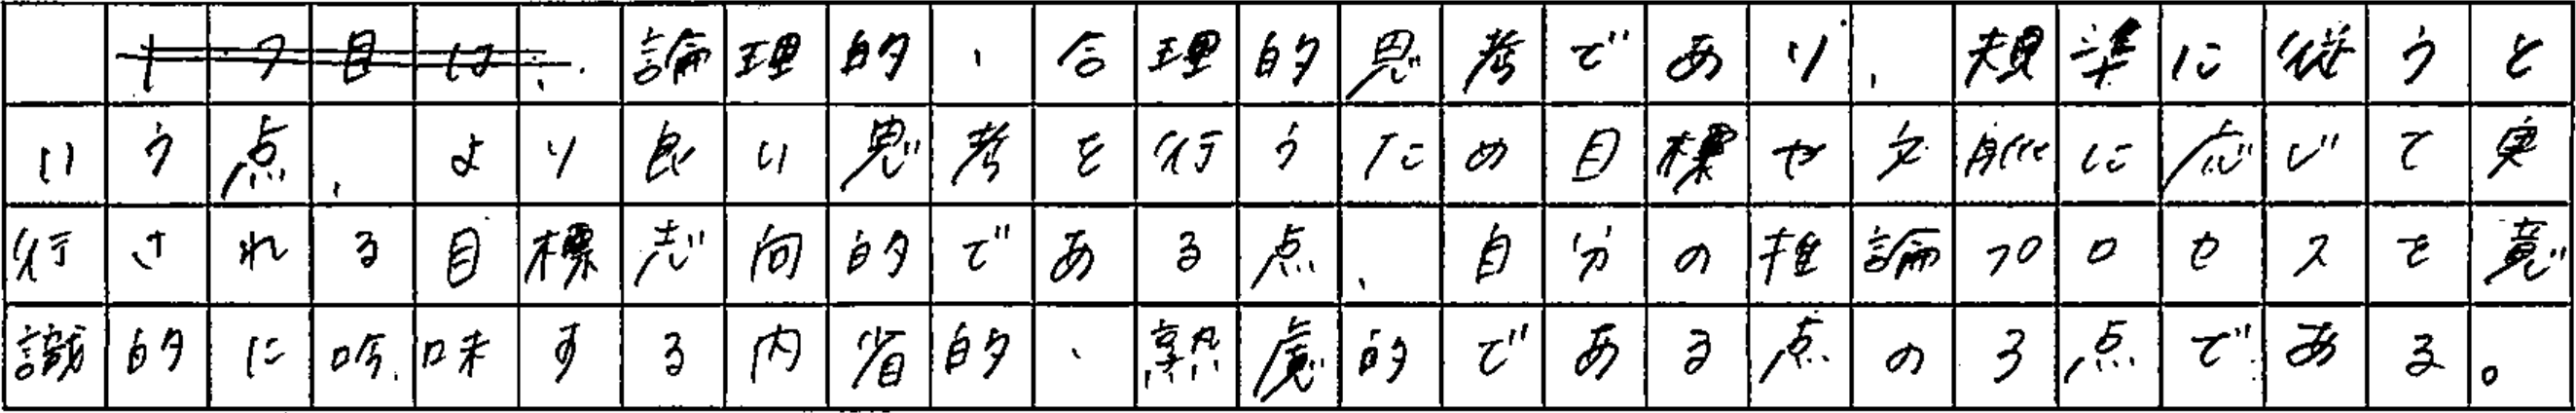　論理的・合理的思考であり、規準に従うという点、より良い思考を行うため目標や文脈に応じて実行される目標志向的である点、自分の推論プロセスを意識的に吟味する内省的・熟慮的である点の３点である。
